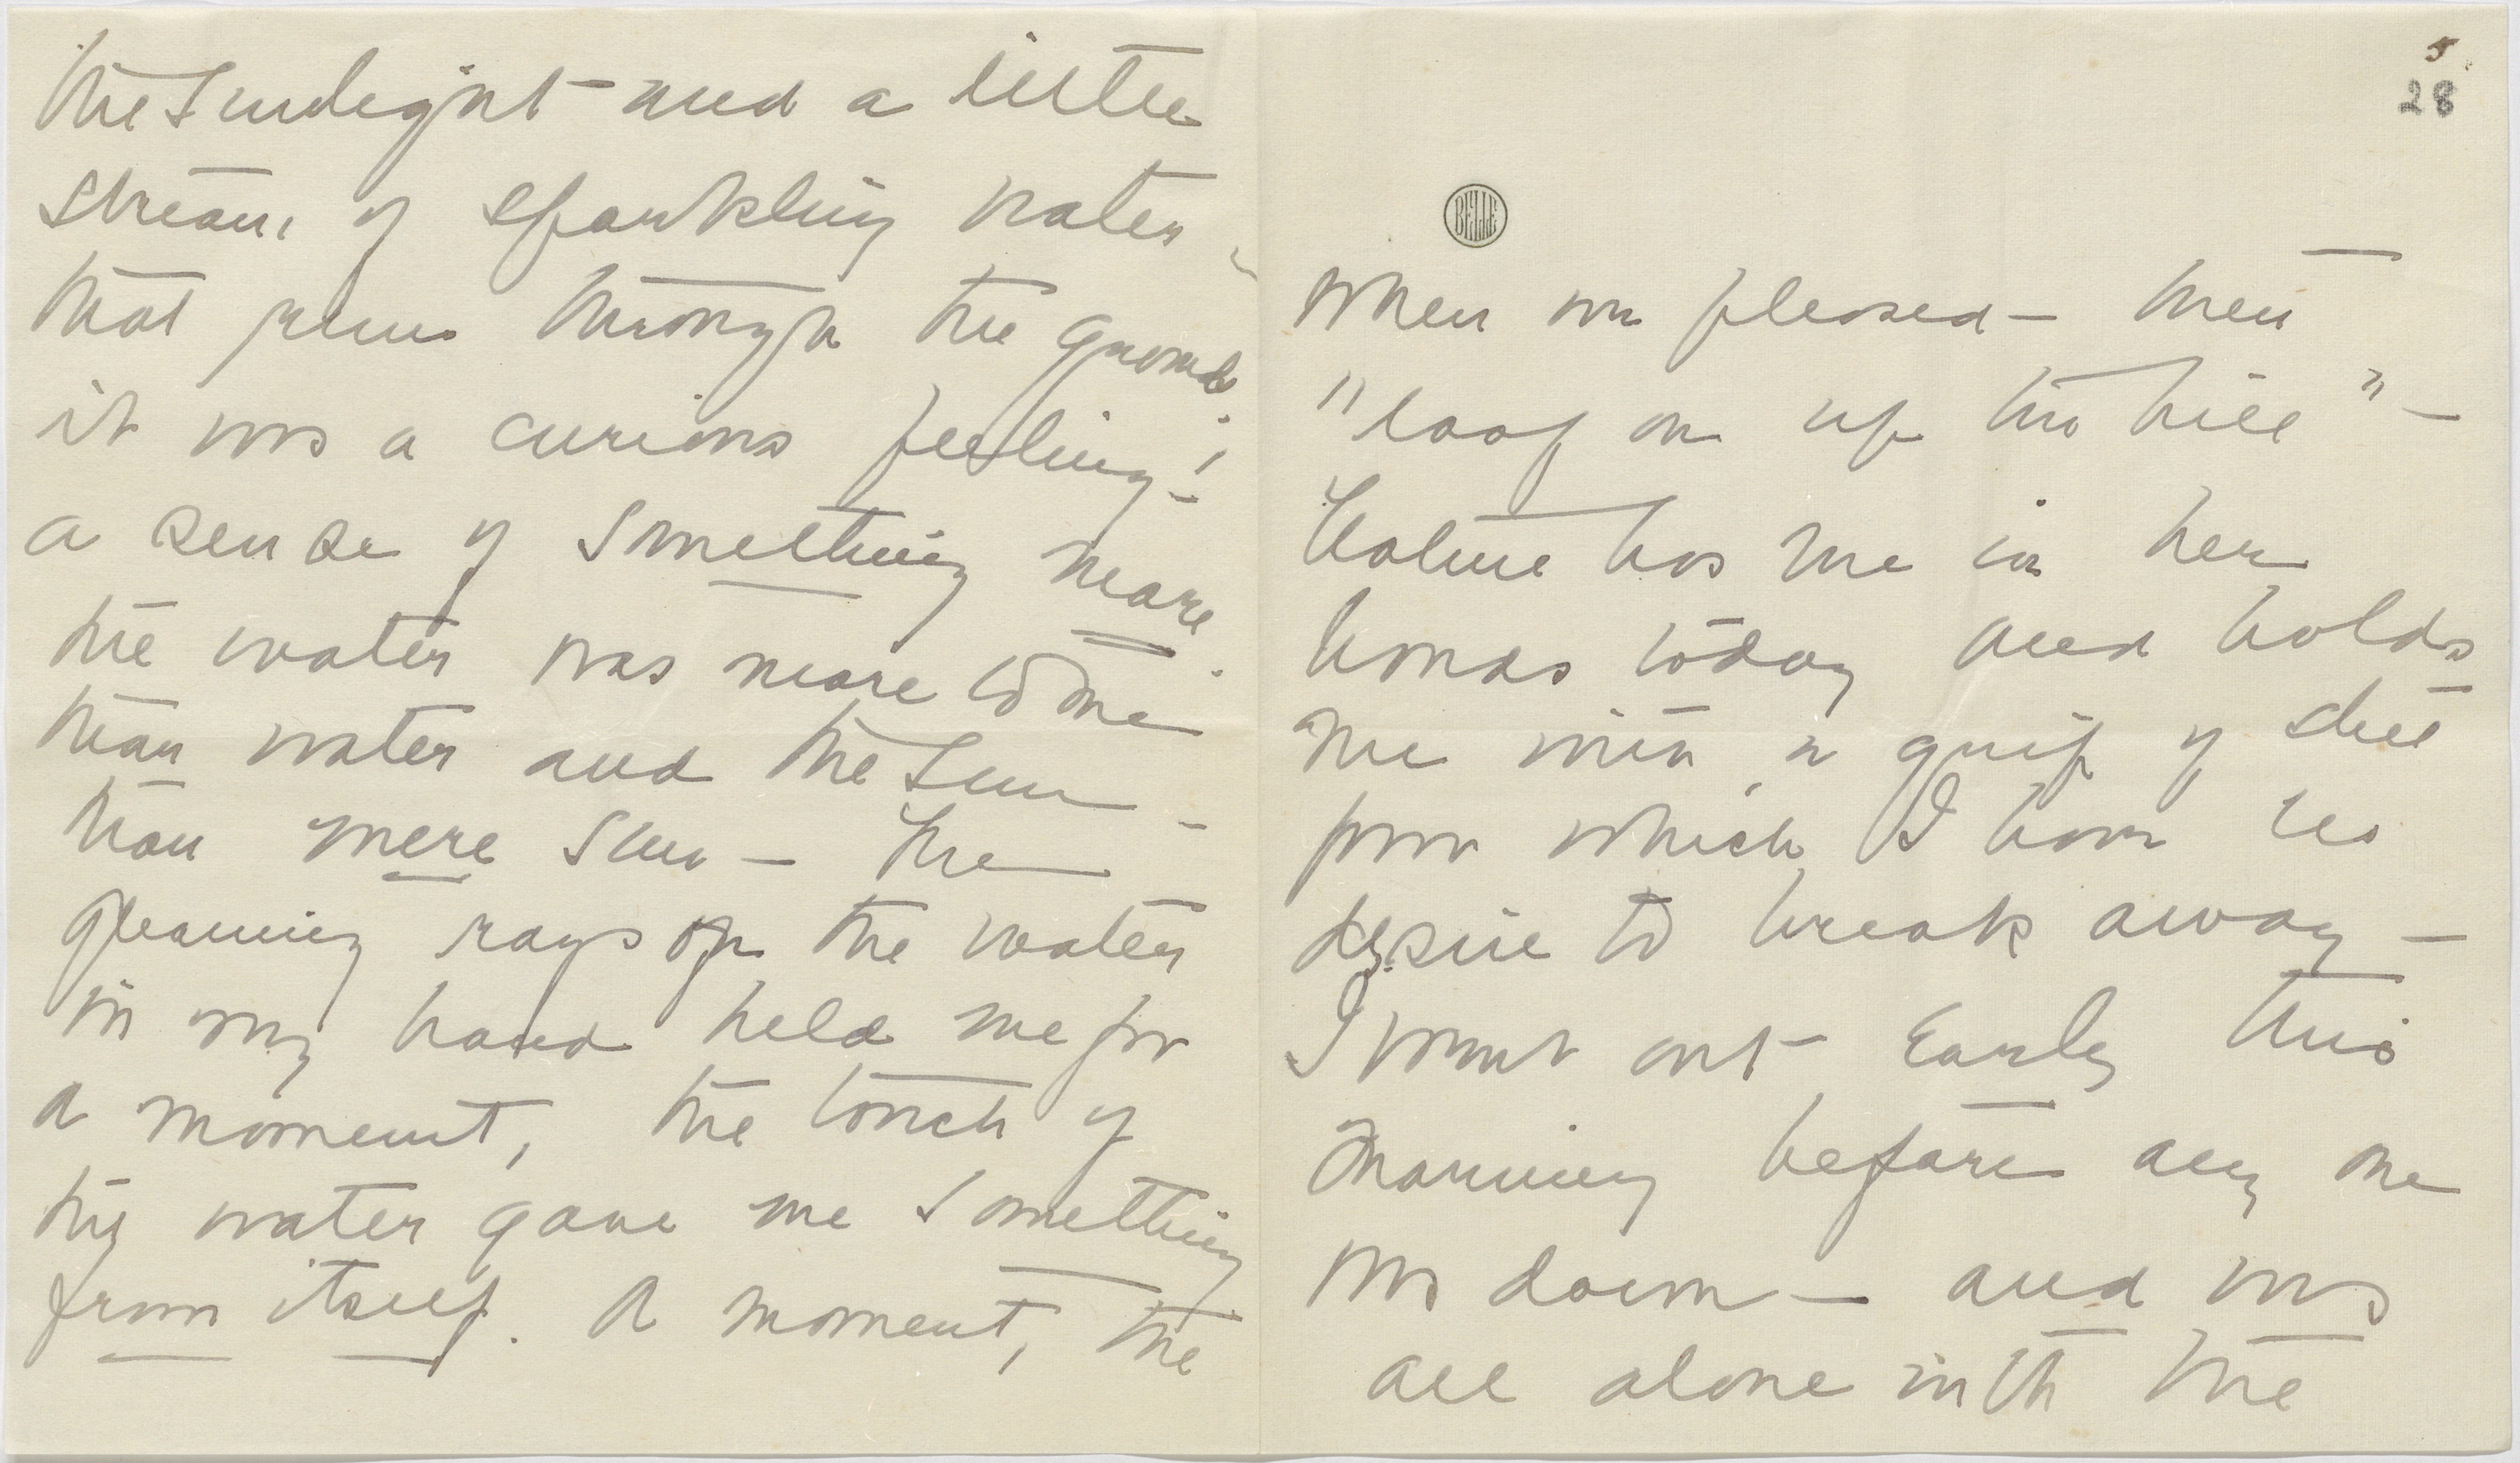when we pleased – then “loaf on up the hill” – Nature has me in her bonds today and holds me with a grip of steel from which I have no desire to break away – I went out early this morning before any one was down – and was all alone with the
the [sic] sunlight and a little stream of sparkling water that runs through the grounds, it was a curious feeling! a sense of something [double underlined: more]. the water was more to one than water and the sun – than mere sun – the gleaming rays onf the water in my hand held me for a moment, the touch of the water gave me something from itself. A moment, the